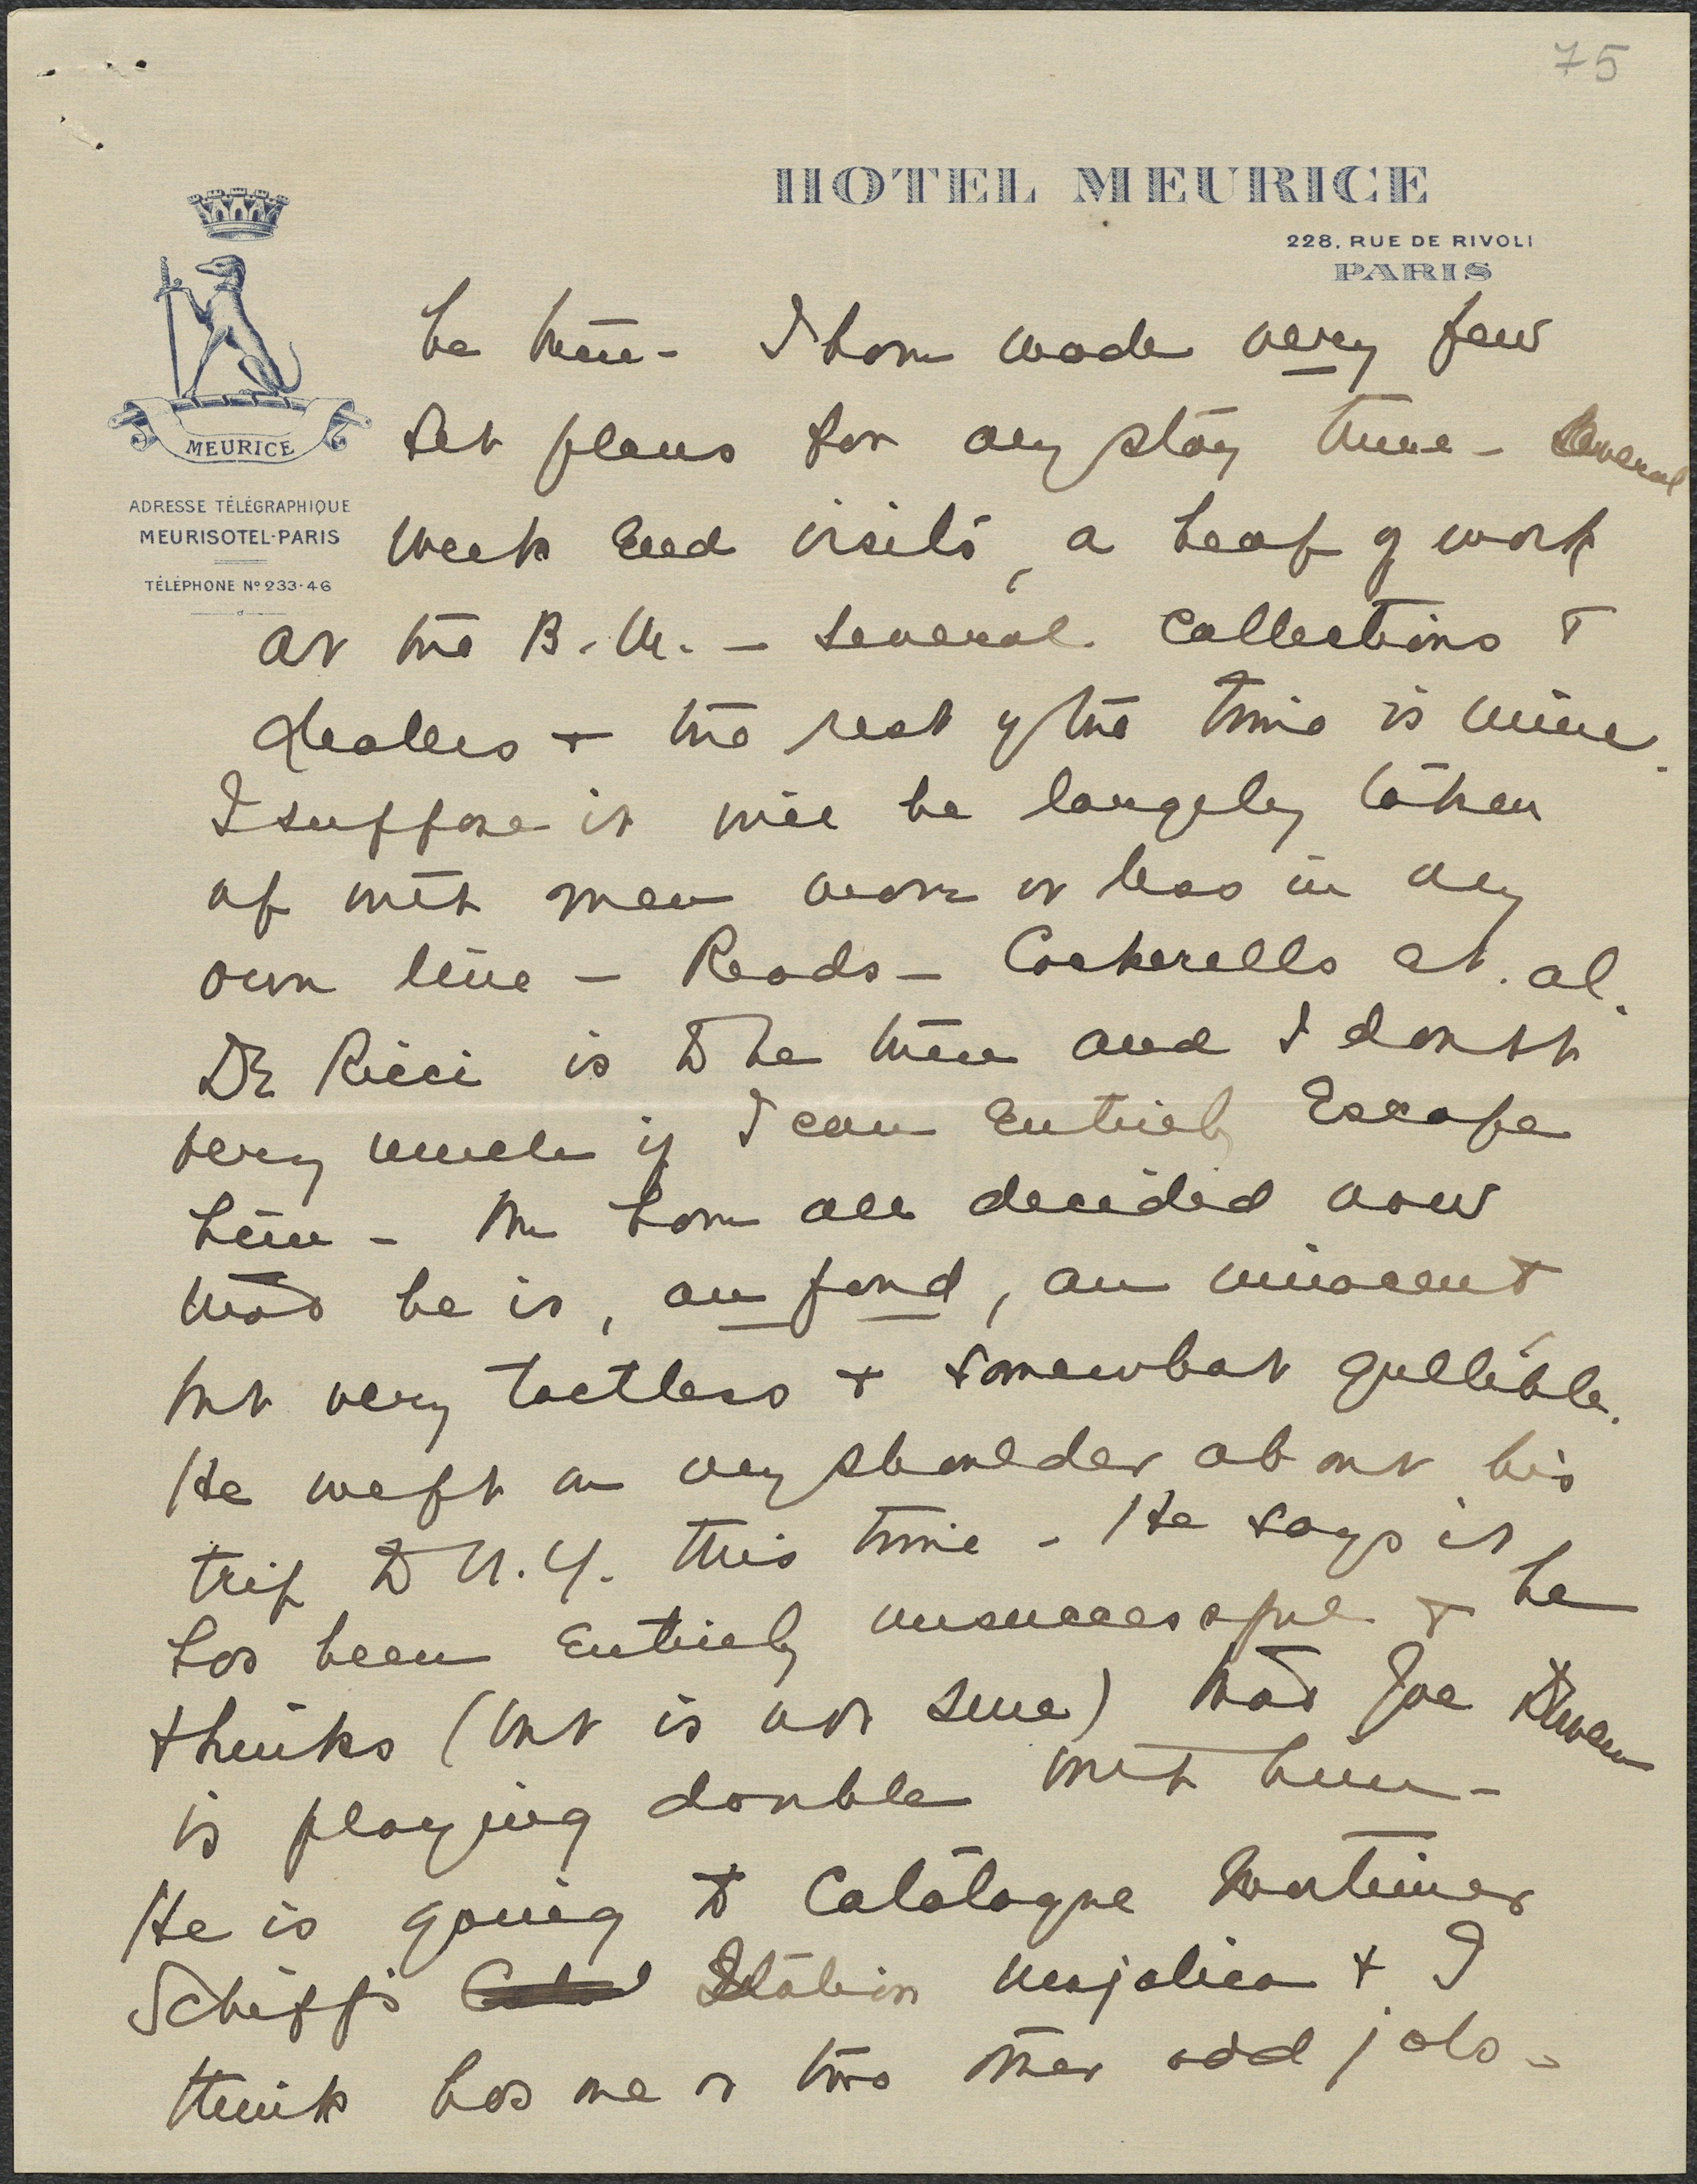be there. I have made very few set plans for my stay there – Several week end visits, a heap of work at the B.M. – several collections & dealers & the rest of the time is mine.
I suppose it will be largely taken up with men more or less in my own time – Reads – Cockerells et. al. De Ricci is to be there and I doubt very much if I can entirely escape him – we have all decided now that he is, au fond, an innocent but very tactless & somewhat gullible. He wept on my shoulder about his trip to N.Y. this time – He says it has been entirely unsuccessful & he thinks (but is not sure) that Joe Duveen is playing double with him –
He is going to catalogue Mortimer Schiff's catal Italian majolica & I think has one or two other odd jobs –